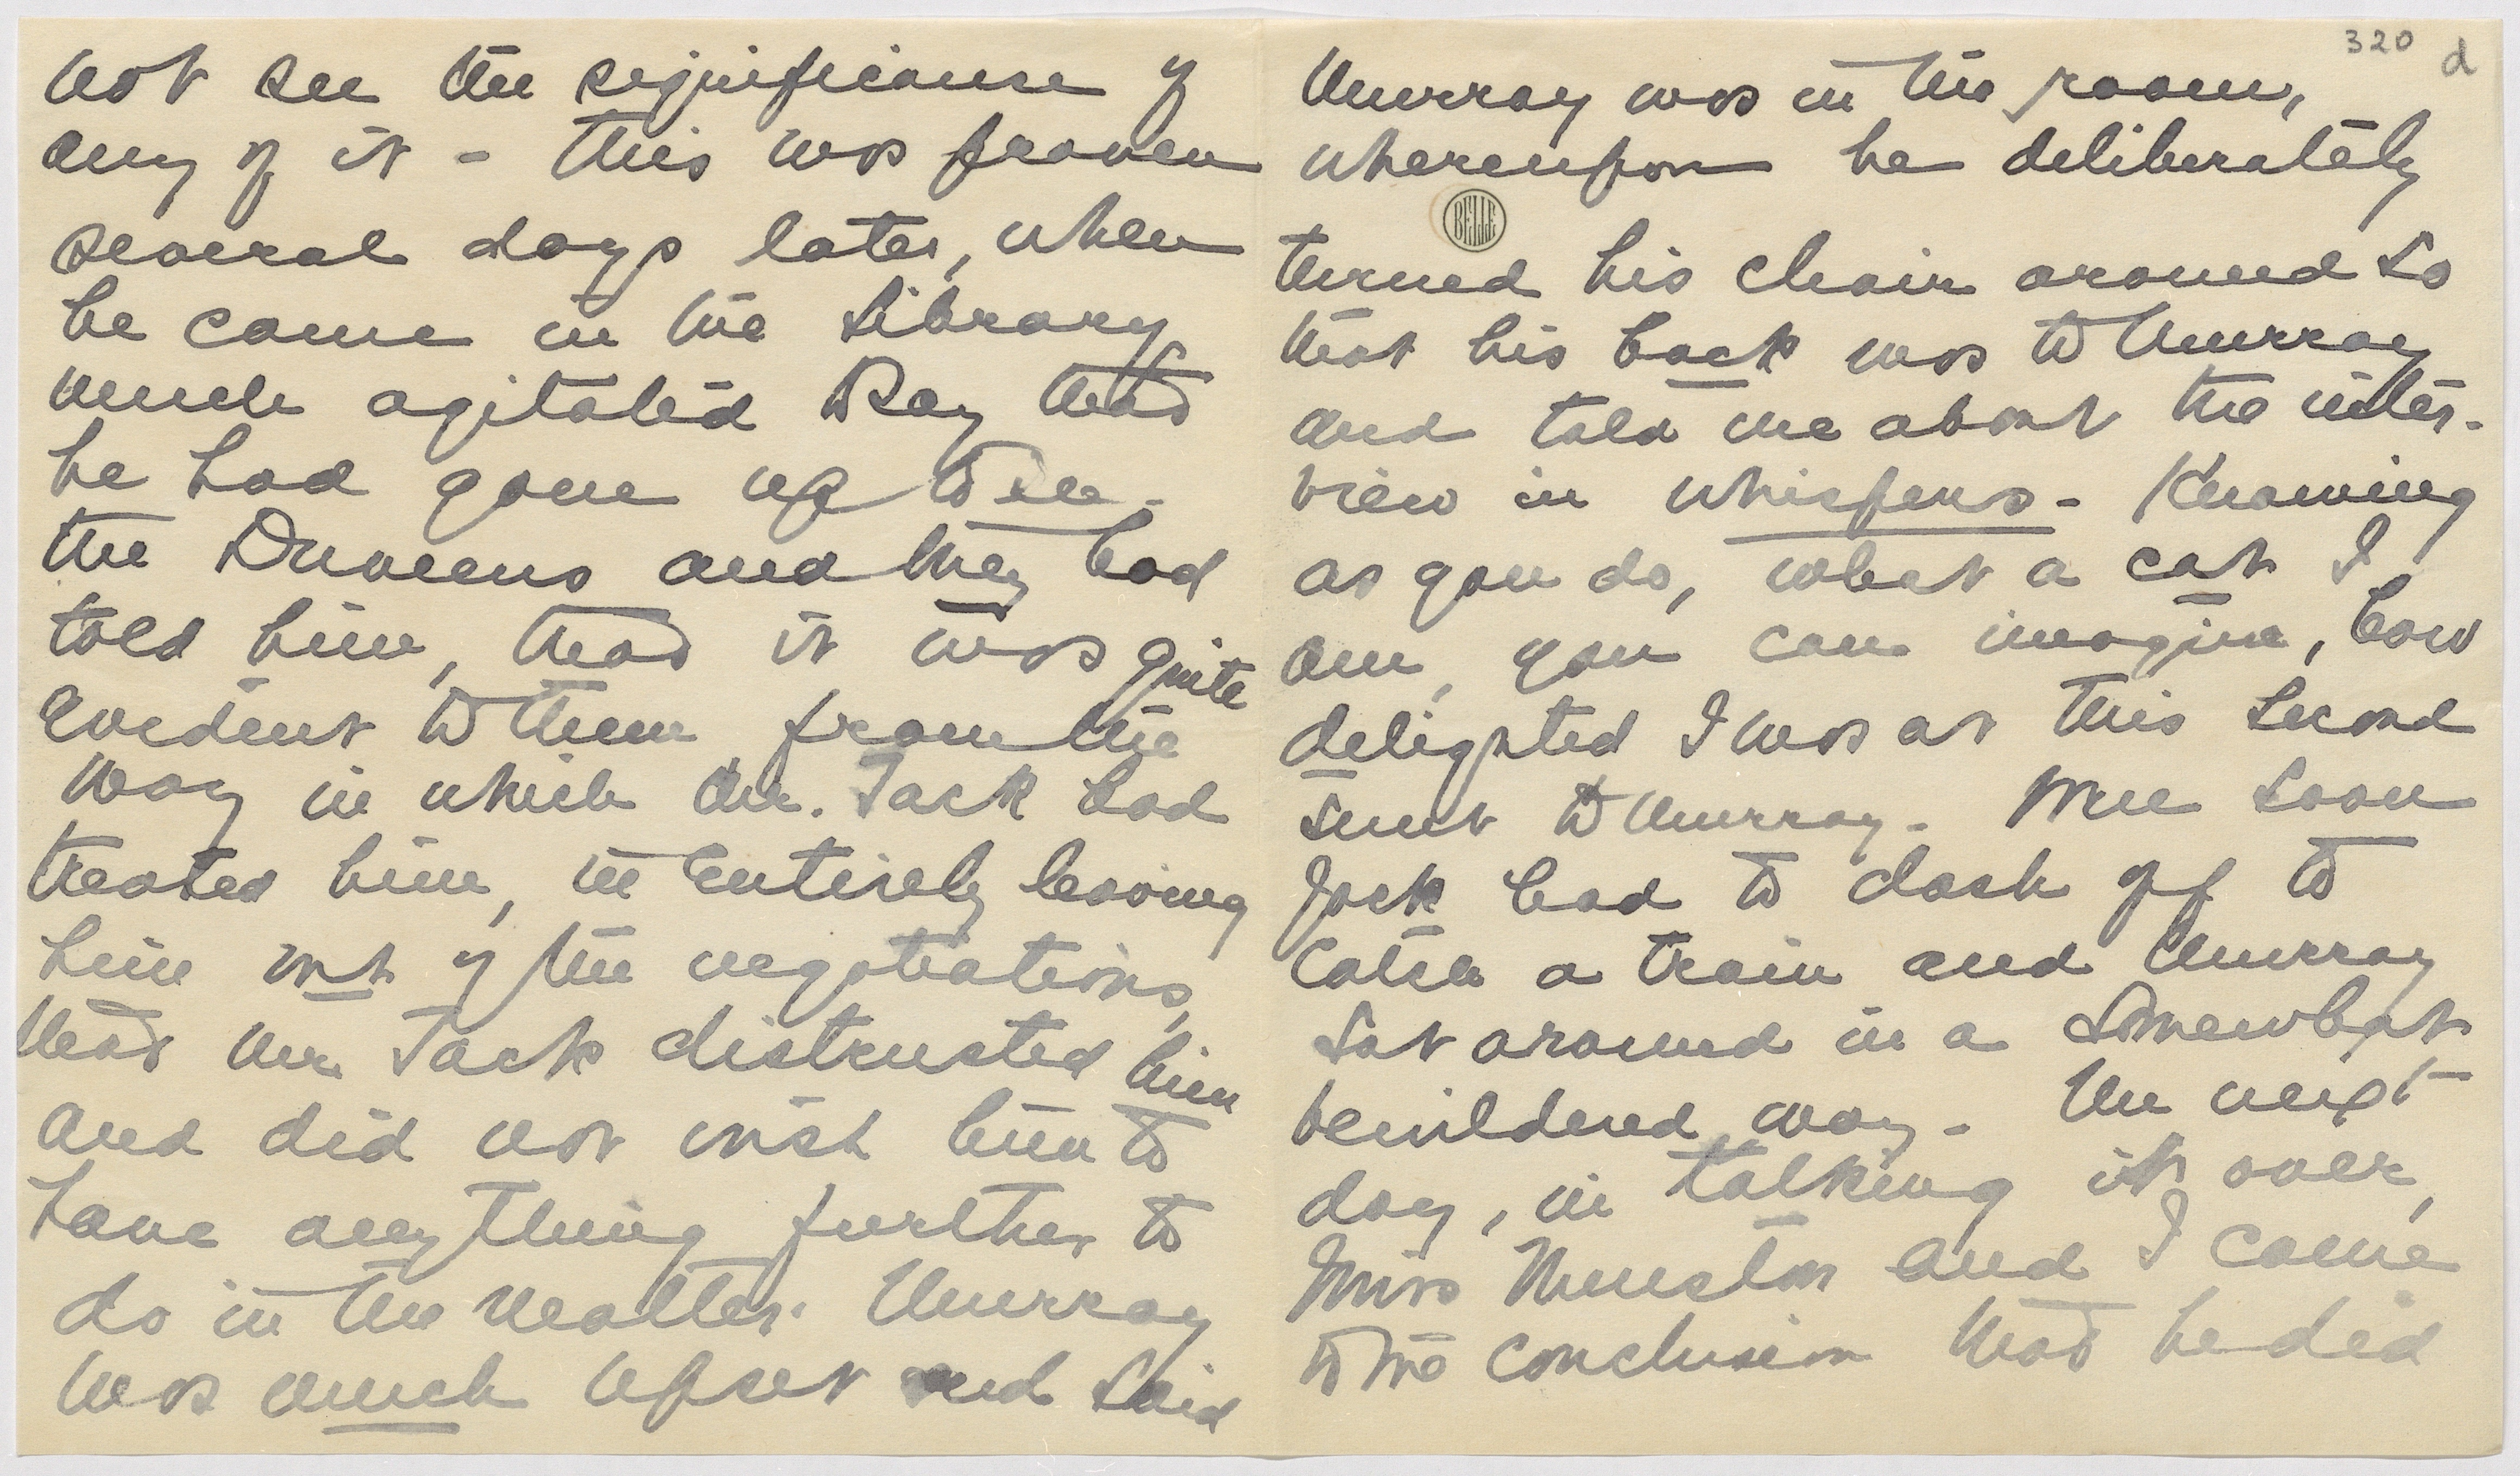Murray was in the room, whereupon he deliberately turned his chair around so that his back was to Murray and told me about the interview in whispers – Knowing as you do, what a cat I am, you can imagine, how delighted I was at this second snub to Murray. Well soon Jack had to dash off to catch a train and Murray sat around in a somewhat bewildered way – The next day, in talking it over, Miss Thurston and I came to the conclusion that he did
not see the significance of any of it – this was proven several days later, when he came in the Library much agitated to say that he had gone up to see the Duveens and they had told him, that it was quite evident to them from the way in which Mr. Jack had treated him, in entirely leaving him out of the negotiations, that Mr. Jack distrusted him and did not wish him to have anything further to do in the matter. Murray was much upset and said